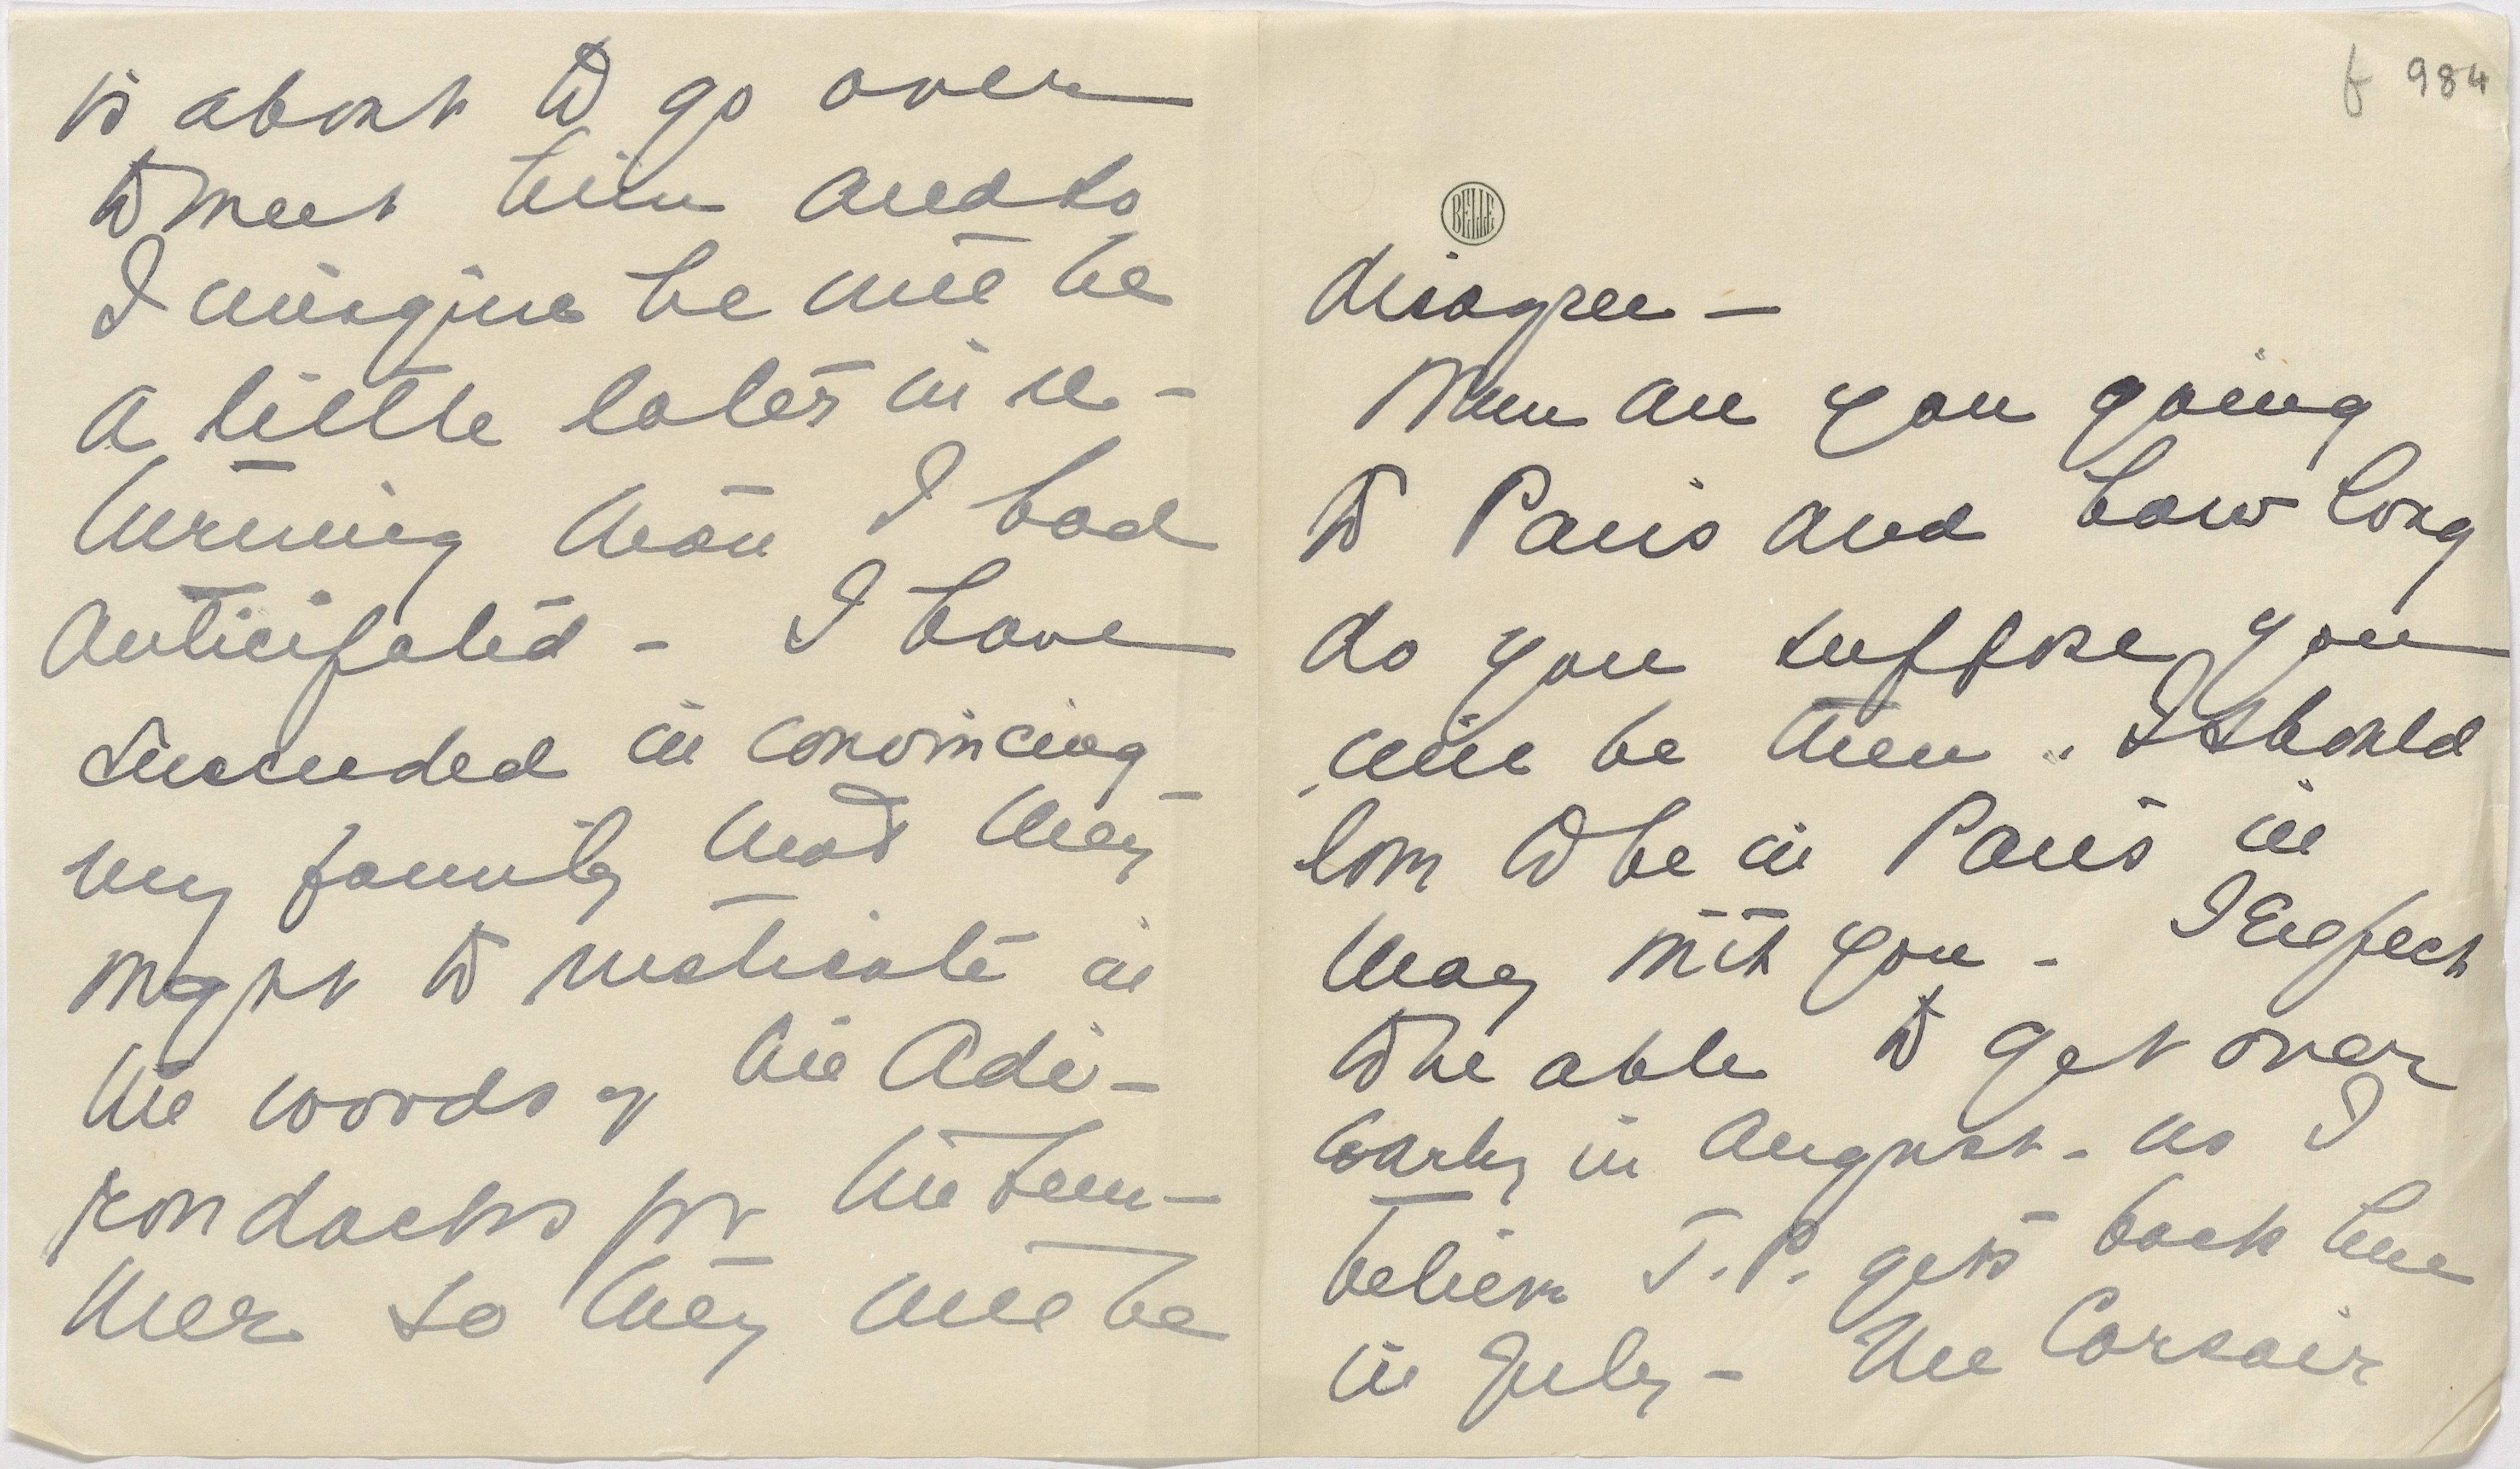disagree –
When are you going to Paris and how long do you suppose you will be there. I should love to be in Paris in May with you – I expect to be able to get over early in August – as I believe J. P. gets back here in July – The Corsair
is about to go over to meet him and so I imagine he will be a little later in returning than I had anticipated – I have succeeded in convincing my family that they ought to rusticate in the woods of the Aderondacks for the Summer so they will be